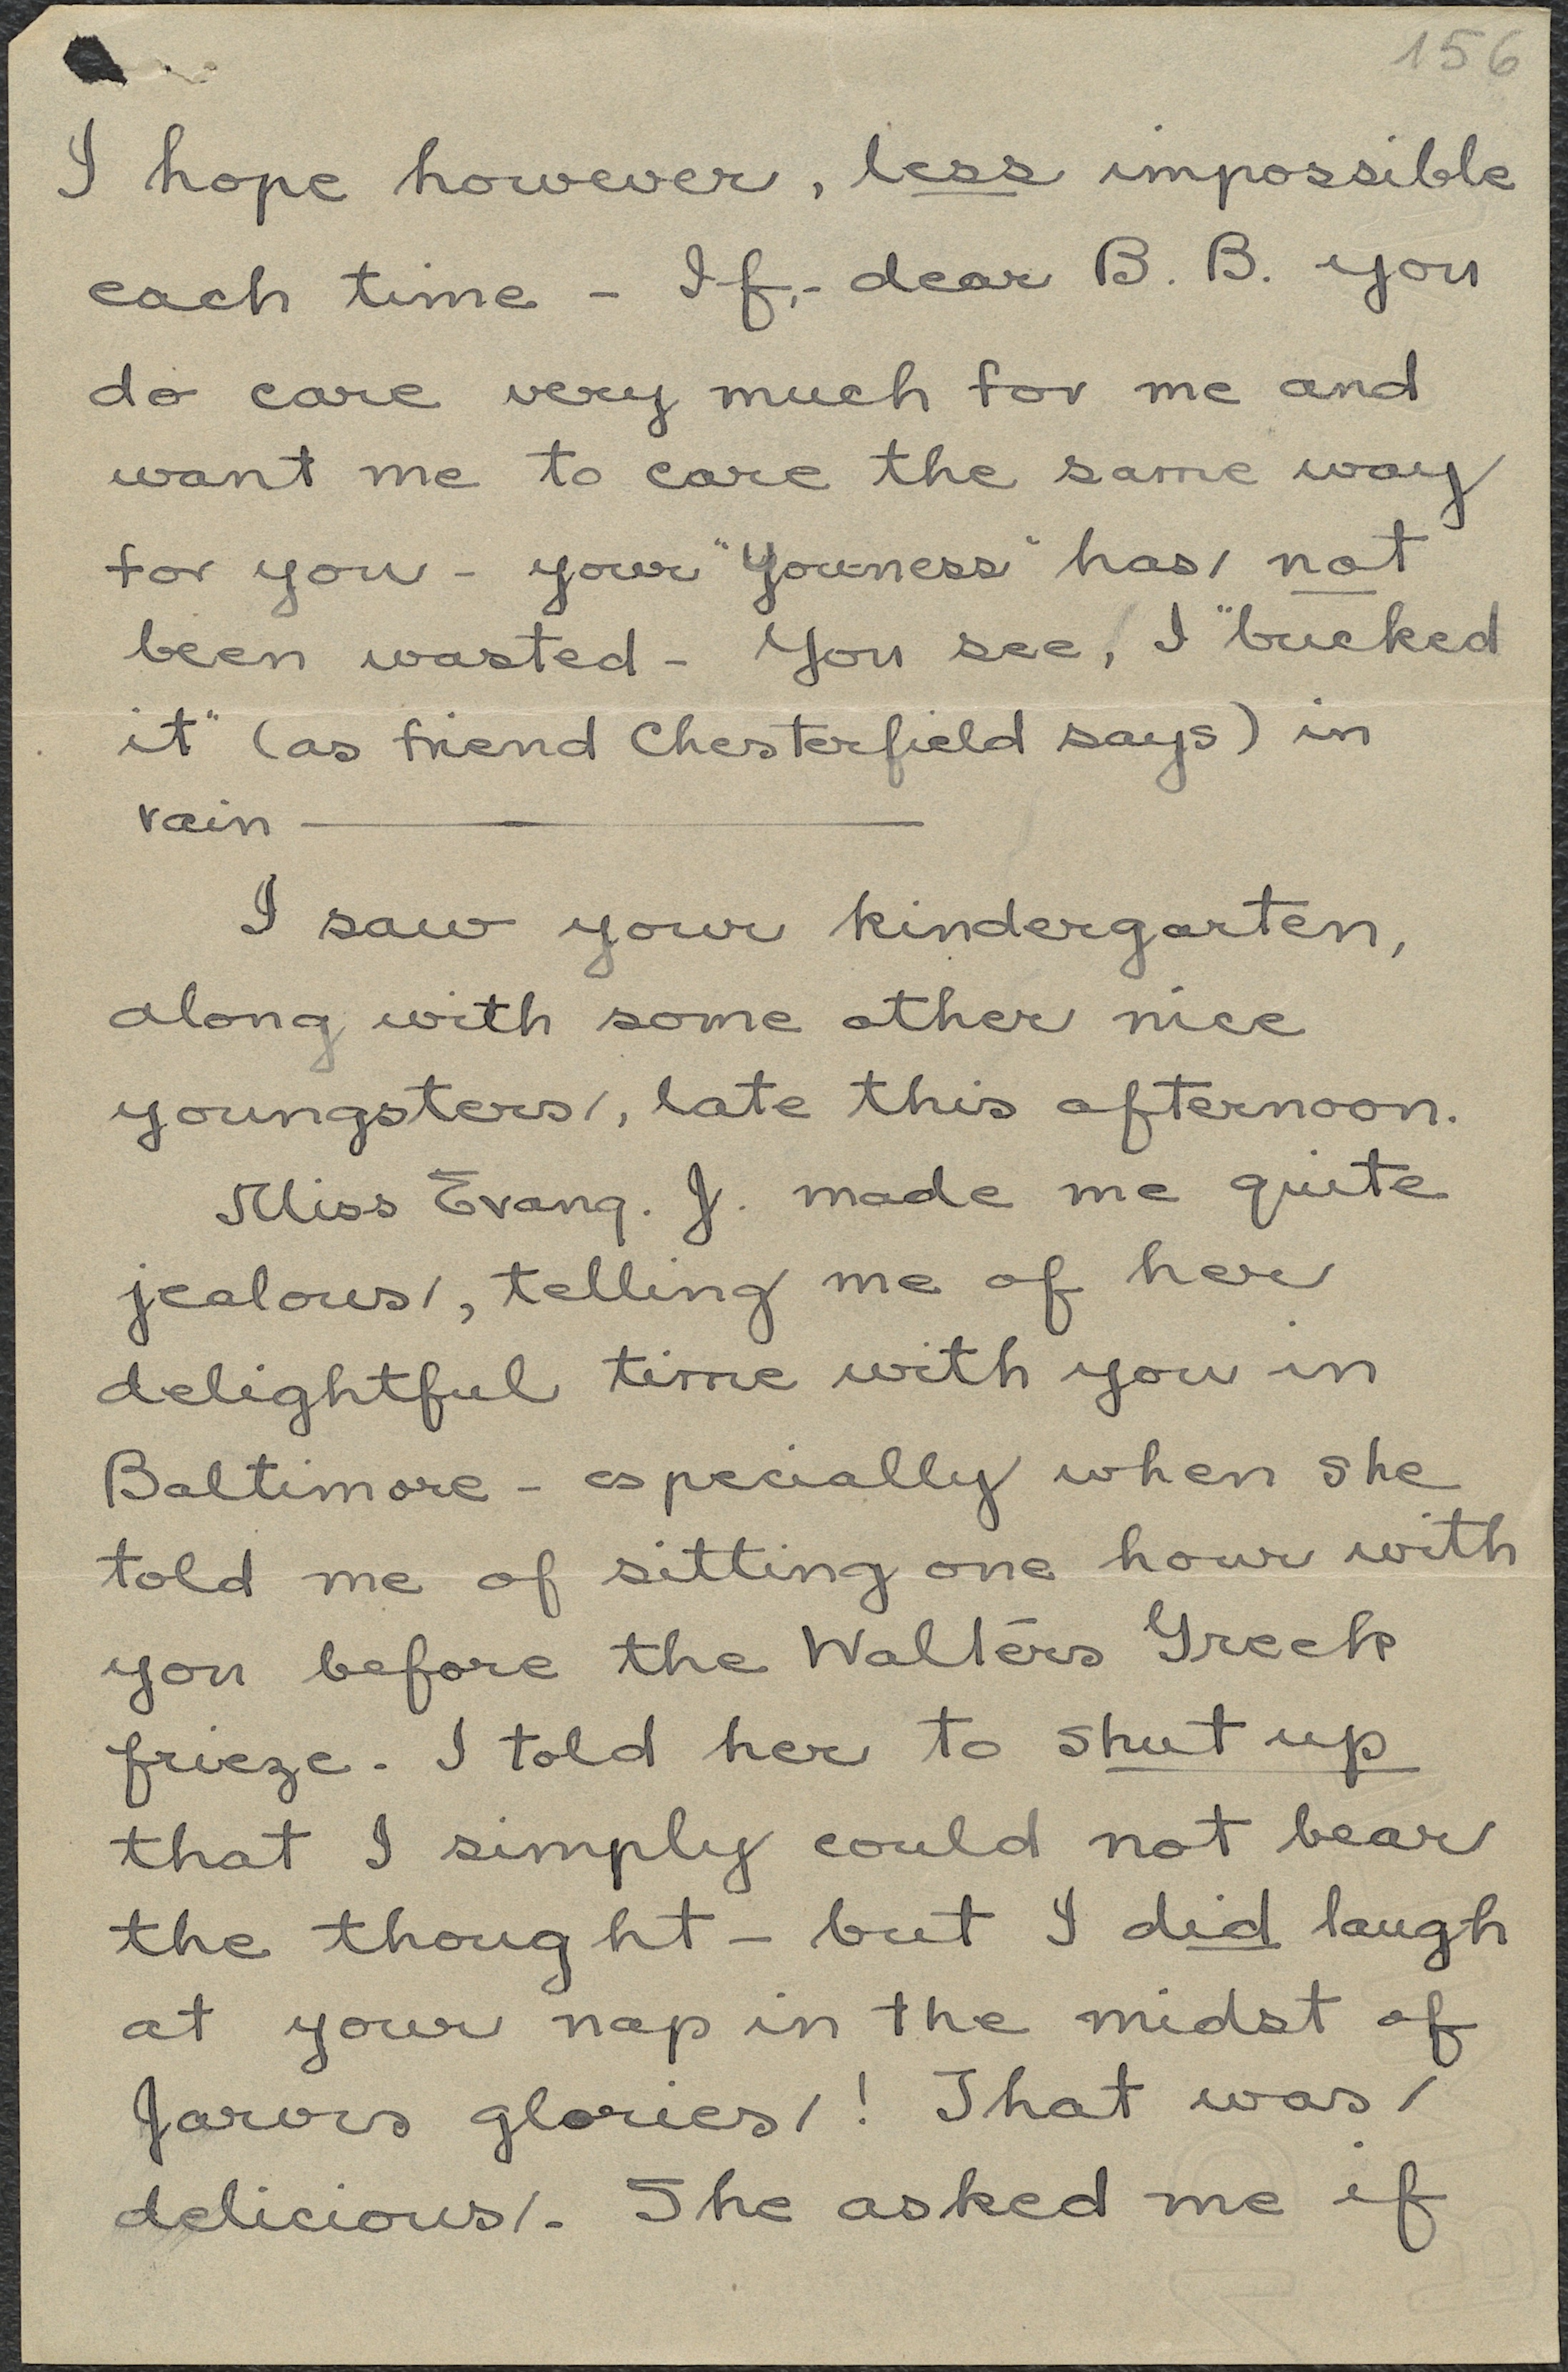I hope however, less impossible each time – If, dear B.B. you do care very much for me and want me to care the same way for you – your You-ness" has not been wasted – you see, I "bucked it" (as friend Chesterfield says) in vain –
I saw your kindergarten, along with some other nice youngsters, late this afternoon.
Miss Evang. J. made me quite jealous, telling me of her delightful time with you in Baltimore – especially when she told me of sitting one hour with you before Walters Greek frieze. I told her to shut up that I simply could not bear the thought – but I did laugh at your nap in the midst of Jarvis glories! That was delicious. She asked me if